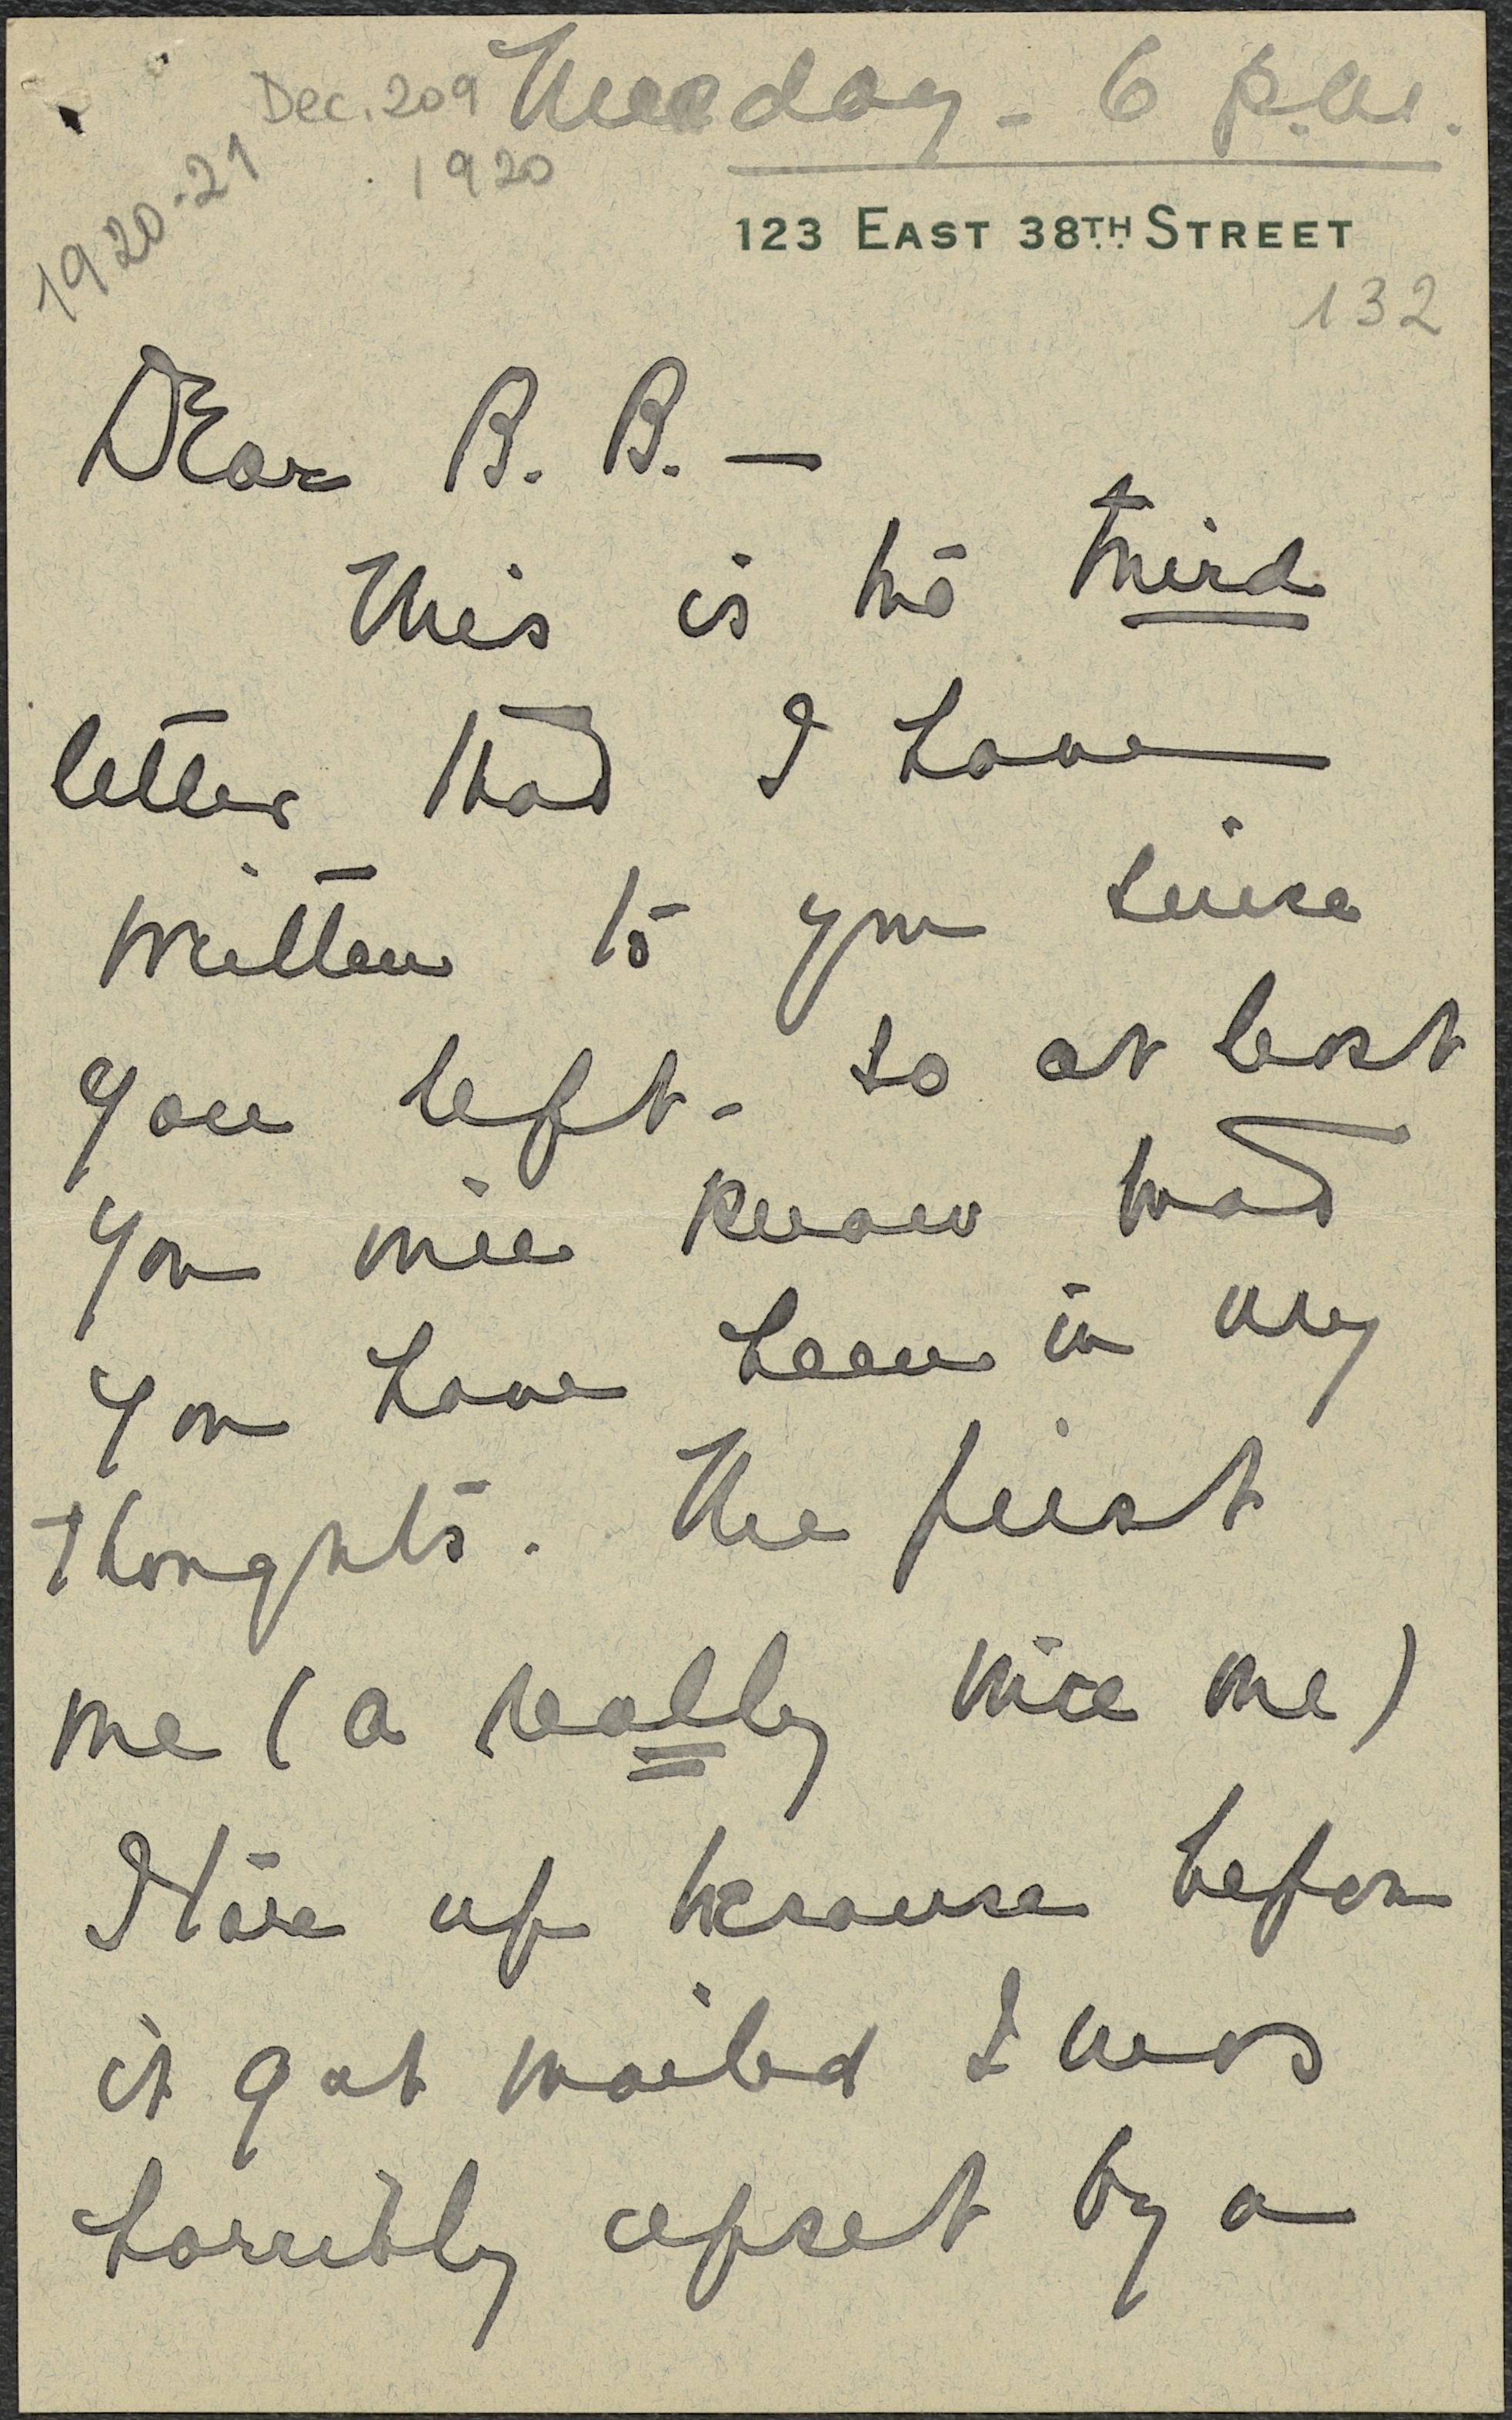[In lighter ink: Tuesday – 6 p.m.]
Dear B.B. –
This is the third letter that I have written to you since you left – so at best you will know that you have been in my thoughts. The first one (a [double underlined: really] nice one) I tore up because before it got mailed I was horribly upset by a